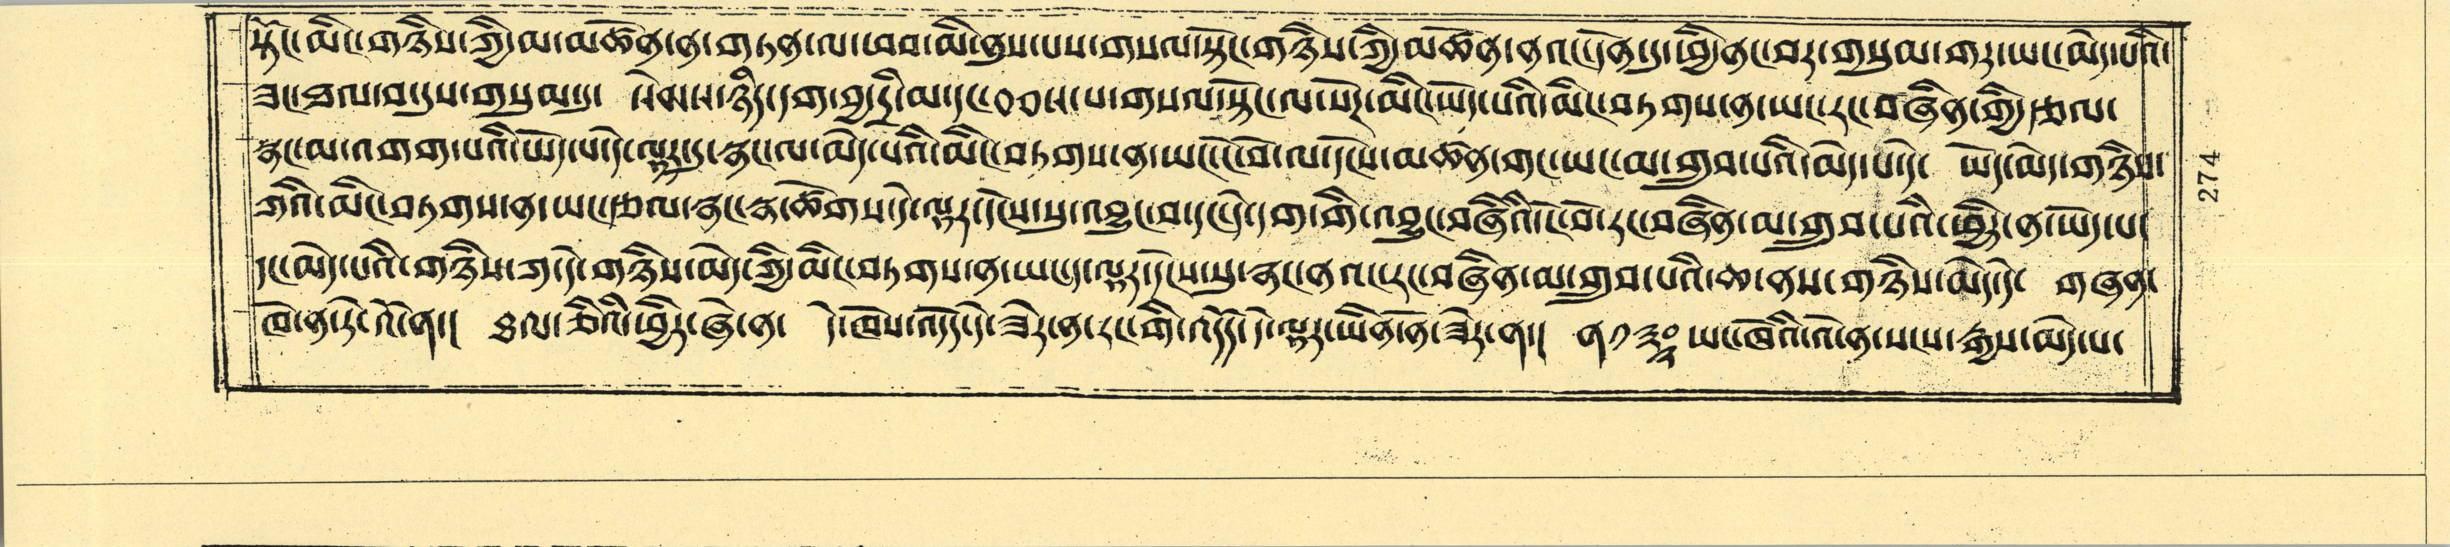སྟོང་མིང་གཉིས་ཀྱི་མ་མཚོན་ན་གཏན་ལ་ཕབ་མི་ནུས་པས་གསལ་སྟོང་གཉིས་ཀྱི་མཚོན་ནའང་དོན་དུ་ཕྱི་ནང་བར་གསུམ་གར་ཡང་མེད་པའི་
ཟང་ཐལ་བ་དུས་གསུམ་དུ་ ༼སེམས་ཉིད་༽དག་བྱ་རི་མ་དང་ ༼བཅས་༽པ་གསལ་སྟོང་ལ་སོགས་མིང་ཡོད་པའི་མིང་བཏགས་ན་ཡང་རང་བཞིན་གྱི་རྩལ་
སྣང་མ་འགག་པའི་ཡོད་པ་དེ་ལྟར་དུ་སྣང་ལ་མེད་པའི་མིང་བཏགས་ན་ཡང་ངོ་བོ་ལ་དངོས་མཚན་གང་ཡང་མ་གྲུབ་པའི་མེད་པ་དེ། ཡོད་མེད་གཉིས་
ཀའི་མིང་བཏགས་ན་ཡང་རྩལ་སྣང་སྣ་ཚོགས་དེ་ལྟར་དངོས་སུ་འབྱུང་བ་དང་དེ་དག་གི་འབྱུང་བཞིའི་ངོ་བོ་རང་བཞིན་མ་གྲུབ་པའི་ཕྱིར་ན་ཡོད་པ་
དང་མེད་པའི་གཉིས་ཀ་དེ་གཉིས་མེད་ཀྱི་མིང་བཏགས་ན་ཡང་ད་ལྟར་དངོས་སུ་སྣང་ནའང་རང་བཞིན་མ་གྲུབ་པའི་ཆ་ནས་གཉིས་མེད་དེ། གཞན་
ཁོ་ན་རེ་ ༼འོ་ན།༽ ༼ཐལ་༽ཅིའི་ཕྱིར་ཞེ་ན། དེ་ཁོས་འདོད་དེ་ཟེར་ན་རང་གི་ ༼འདོད་༽དེ་ལྟར་ཡིན་ནོ་ཟེར་ ༼ན་༽ན༡༣༠།༢ ཡང་ཁོའི་འོ་ན་སངས་རྒྱས་མེད་པ་